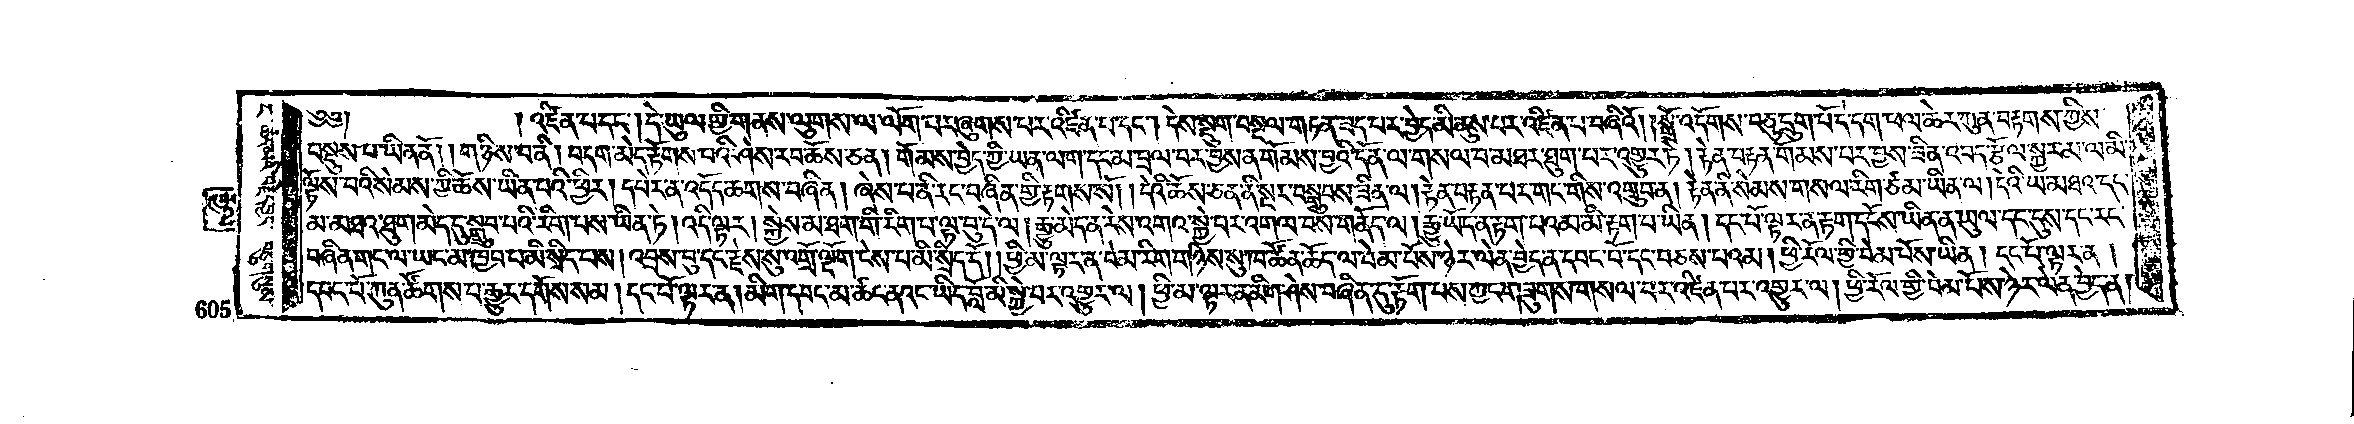༄༅། །འཛིན་པ་དང་། དེ་ཡུལ་གྱི་གནས་ལུགས་ལ་ལོག་པར་ཞུགས་པར་འཛིན་པ་དང་། དེས་སྡུག་བསྔལ་གཏན་ཟད་པར་བྱེད་མི་ནུས་པར་འཛིན་པ་བཞིའོ། །སྒྲོ་འདོགས་བཅུ་དྲུག་པོ་དེ་དག་ཕལ་ཆེར་ཀུན་བརྟགས་ཀྱིས་
བསྡུས་པ་ཡིན་ནོ། །གཉིས་པ་ནི། བདག་མེད་རྟོགས་པའི་ཤེས་རབ་ཆོས་ཅན། གོམས་བྱེད་ཀྱི་ཡན་ལག་དང་མ་བྲལ་བར་བྱེས་ན་གོམས་བྱའི་དོན་ལ་གསལ་བ་མཐར་ཐུག་པར་འགྱུར་ཏེ། རྟེན་བརྟན་གོམས་པར་བྱས་ཟིན་འབད་རྩོལ་སྐྱེར་མ་ལ་མི་
ལྟོས་པའི་སེམས་ཀྱི་ཆོས་ཡིན་པའི་ཕྱིར། དཔེར་ན་འདོད་ཆགས་བཞིན། ཞེས་པའི་ནི་རང་བཞིན་གྱི་རྟགས་སོ། །དེའི་ཆོས་ཅན་ནི་སྔར་བསྒྲུབས་ཞིན་ལ། རྟེན་བརྟན་པར་གང་གིས་འགྲུབ་ན། རྟེན་ནི་སེམས་གསལ་རིག་ཙམ་ཡིན་ལ། དེའི་ཡ་མཐའ་དང་
མ་མཐའ་ཐུག་མེད་དུ་སྒྲུབ་པའི་རིག་པས་ཡིན་ཏེ། འདི་ལྟར། སྐྱེས་མ་ཐག་གི་རིག་པ་ལྟ་བུ་དེ་ལ། རྒྱུ་མེད་ན་རེས་འགའ་སྐྱེ་བར་འགལ་བས་གནོད་ལ། རྒྱུ་ཡོད་ན་རྟག་པའམ་མི་རྟག་པ་ཡིན། དང་པོ་ལྟར་ན་རྟག་དངོས་ཡིན་ན་ཡུལ་དང་དུས་དང་རང་
བཞིན་གང་ལ་ཡང་མ་ཁྱབ་པ་མི་སྲིད་པས། འབྲས་བུ་དང་རྗེས་སུ་འགྲོ་ལྡོག་ངེས་པ་མི་སྲིད་དོ། །ཕྱི་མ་ལྟར་ན་བེམ་རིག་གཉིས་སུ་ཁ་ཚོན་ཆོད་ལ་བེམ་པོས་ཉེར་ལེན་བྱེད་ན་དབང་པོ་དང་བཅས་པའམ། ཕྱི་རོལ་གྱི་བེམ་པོས་ཡིན། དང་པོ་ལྟར་ན།
དབང་པོ་ཀུན་ཚོགས་པ་གྱུར་དགོས་སམ། དང་པོ་ལྟར་ན། མིག་དབང་མ་ཚང་ནའང་ཡིད་བློ་མི་སྐྱེ་བར་འགྱུར་ལ། ཕྱི་མ་ལྟར་ན་མིག་ཤེས་བཞིན་དུ་རྟོག་པས་ཀྱང་གཟུགས་གསལ་བར་འཛིན་པར་འགྱུར་ལ། ཕྱི་རོལ་གྱི་བེམ་པོས་ཉེར་ལེན་བྱེད་ན།